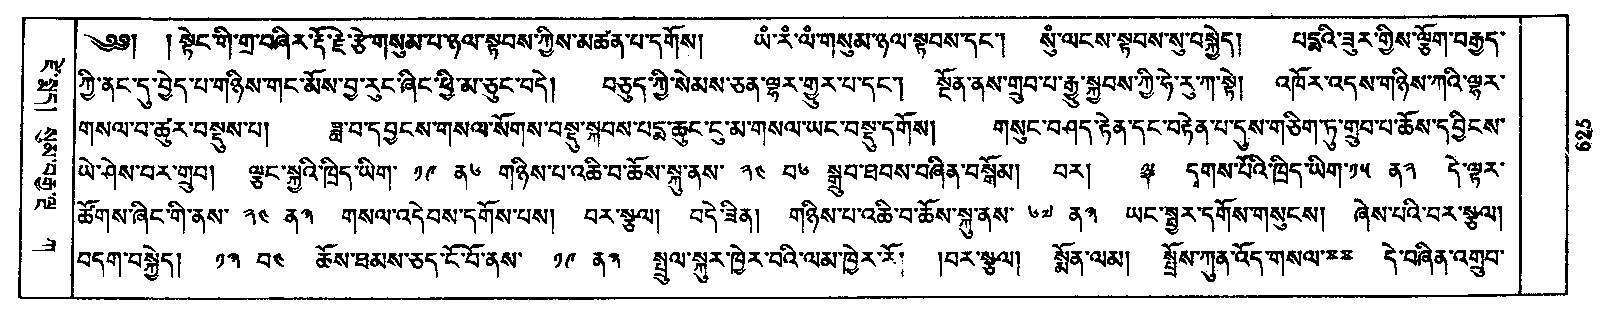༄༅། །སྟེང་གི་གྲ་བཞིར་རྡོ་རྗེ་རྩེ་གསུམ་པ་ཉལ་སྟབས་ཀྱིས་མཚན་པ་དགོས། ཡཾ་རཾ་ལཾ་གསུམ་ཉལ་སྟབས་དང་། སུཾ་ལངས་སྟབས་སུ་བསྐྱེད། པདམའི་ཟུར་གྱིས་ལྕོག་བརྒྱད་
ཀྱི་ནང་དུ་བྱེད་པ་གཉིས་གང་མོས་བྱ་རུང་ཞིང་ཕྱི་མ་ཅུང་བདེ། བཅུད་ཀྱི་སེམས་ཅན་ལྷར་གྱུར་པ་དང་། སྔོན་ནས་གྲུབ་པ་རྒྱུ་སྐྱབས་ཀྱི་ཧེ་རུ་ཀ་སྟེ། འཁོར་འདས་གཉིས་ཀའི་ལྷར་
གསལ་བ་ཚུར་བསྡུས་པ། ཟླ་བ་དབྱངས་གསལ་སོགས་བསྡུ་སྐབས་པདམ་ཆུང་ངུ་མ་གསལ་ཡང་བསྡུ་དགོས། གསུང་བཤད་རྟེན་དང་བརྟེན་པ་དུས་གཅིག་ཏུ་གྲུབ་པ་ཆོས་དབྱིངས་
ཡེ་ཤེས་བར་གྲུབ། ལྕང་སྐྱའི་ཁྲིད་ཡིག ༡༩་ན ༦་གཉིས་པ་འཆི་བ་ཆོས་སྐུ་ནས ༢༤་བ ༦་སྒྲུབ་ཐབས་བཞིན་བསྒོམ། བར། ༈ དྭགས་པོའི་ཁྲིད་ཡིག ༡༥་ན ༢་དེ་ལྟར་
ཚོགས་ཞིང་གི་ནས ༢༤་ན ༣་གསལ་འདེབས་དགོས་པས། བར་སྩལ། བདེ་ཟིན། གཉིས་པ་འཆི་བ་ཆོས་སྐུ་ནས ༦༧་ན ༣་ཡང་སྦྱར་དགོས་གསུངས། ཞེས་པའི་བར་སྩལ།
བདག་བསྐྱེད། ༡༣་བ ༤་ཆོས་ཐམས་ཅད་ངོ་བོ་ནས། ༡༩་ན ༣་སྤྲུལ་སྐུར་ཁྱེར་བའི་ལམ་ཁྱེར་རོ། །བར་སྩལ། སྨོན་ལམ། སྤྲོས་ཀུན་འོད་གསལ་྾་྾་དེ་བཞིན་འགྲུབ་